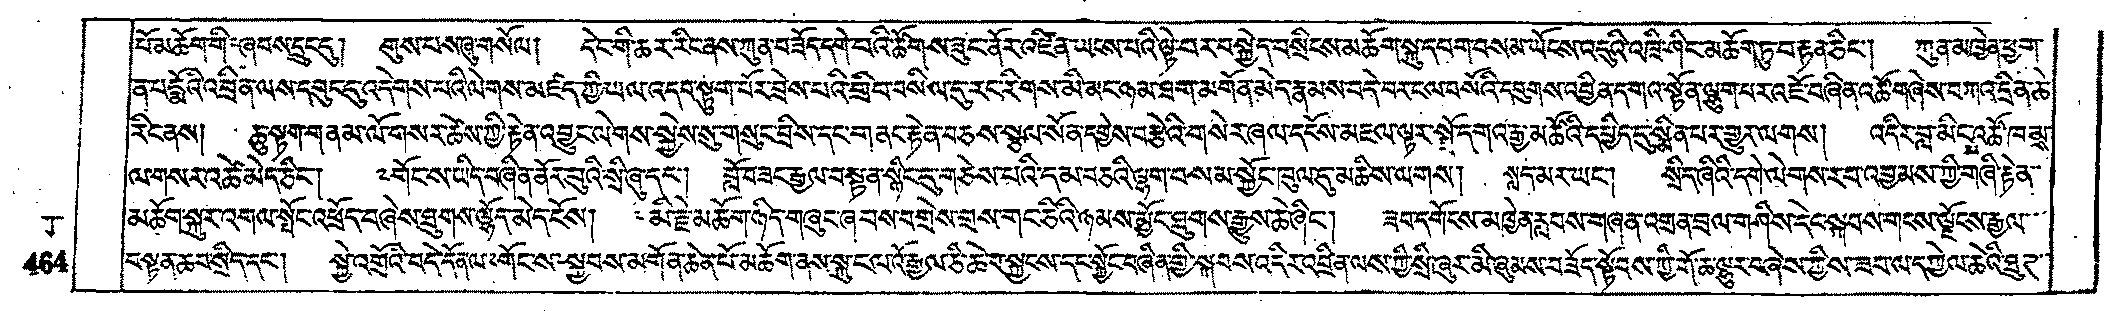པོ་མཆོག་གི ༧ཞབས་དྲུང་དུ། གུས་པས་ཞུ་གསོལ། དེང་གི་ཆར་རིང་ནས་ཀུན་བཟོད་དགེ་བའི་ཚོགས་ཟུང་ནོར་འཛིན་ཡངས་པའི་ལྟེ་བར་བསྐྱེད་བསྲིངས་མཆོག་སྐུ་དཔག་བསམ་ཡོངས་འདུའི་འཁྲི་ཤིང་མཆོག་ཏུ་བརྟན་ཅིང་། ཀུན་མཁྱེན་ཕྱག་
ན་པདམོའི་འཕྲིན་ལས་དགུང་དུ་འདེགས་པའི་ལེགས་མཛད་ཀྱི་ཡལ་འདབ་སྟུག་པོར་བྲེས་པའི་གྲིབ་བསིལ་དུ་རང་རིགས་མི་མང་ཉམ་ཐག་མགོན་མེད་རྣམས་བདེ་བར་ངལ་བསོའི་དབུགས་འབྱིན་དགའ་སྟོན་ལྷུག་པར་འཇོ་བཞིན་འཚོ་གཞེས་བཀའ་དྲིན་ཆེ་
རིང་ནས། ཆུ་སྟག་གནམ་ལོ་གསར་ཚེས་ཀྱི་རྟེན་འབྱུང་ལེགས་སྐྱེས་སུ་གསུང་བྲིས་དང་གནང་རྟེན་བཅས་སྩལ་སོན་དགྱེས་བརྩེའི་གསེར་ཞལ་དངོས་མཇལ་ལྟར་སྤྲོ་དགའ་རྒྱ་མཚོའི་དཔྱིད་དུ་སྨིན་པར་གྱུར་ལགས། འདིར་བླ་མིང་པ་འཚོ་ཁམས་
ལ་གསར་འཚེ་མེད་ཅིང་། ༧གོང་ས་ཡིད་བཞིན་ནོར་བུའི་སྲི་ཞུ་དང་། བློ་བཟང་རྒྱལ་བསྟན་སྙིང་དུ་གཅེས་པའི་དམ་བཅའི་ལྷག་བསམ་སྐྱོང་ཁུལ་དུ་མཆིས་ལགས། སླད་མར་ཡང་། སྲིད་ཞིའི་དགེ་ལེགས་རབ་འབྱམས་ཀྱི་གཞི་རྟེན་་་
མཆོག་སྐུར་འགལ་སྤོང་འཕྲོད་བཞེས་ཐུགས་ལྷོད་མེད་ངོས། ༧མི་རྗེ་མཆོག་ཉིད་གཞུང་ཞབས་བགྲེས་གྲས་གང་ཅིའི་ཉམས་མྱོང་ཐུགས་རྒྱུས་ཆེ་ཞིང་། ཟབ་དགོངས་མཁྱེན་རླབས་གཞན་འགྲན་བྲལ་གཤིས་དེང་སྐབས་གངས་ལྗོངས་རྒྱལ་་་
བསྟན་ཆབ་སྲིད་དང་། སྐྱེ་འགྲོའི་བདེ་དོན་ལ ༧གོང་ས ༧སྐྱབས་མགོན་ཆེན་པོ་མཆོག་ནས་སྐུ་ངལ་འོ་རྒྱལ་ཅི་ཆེ་བ་སྐྱངས་དང་སྐྱོང་བཞིན་གྱི་སྐབས་འདིར་འཕྲིན་ལས་ཀྱི་སྲི་ཞུར་མི་ཞུམས་བཟོད་སྟོབས་ཀྱི་གོ་ཆ་ལྷུར་བཞེས་ཀྱིས་ཟབ་ལ་དཀྱེལ་ཆེའི་ཐུཌ་་་